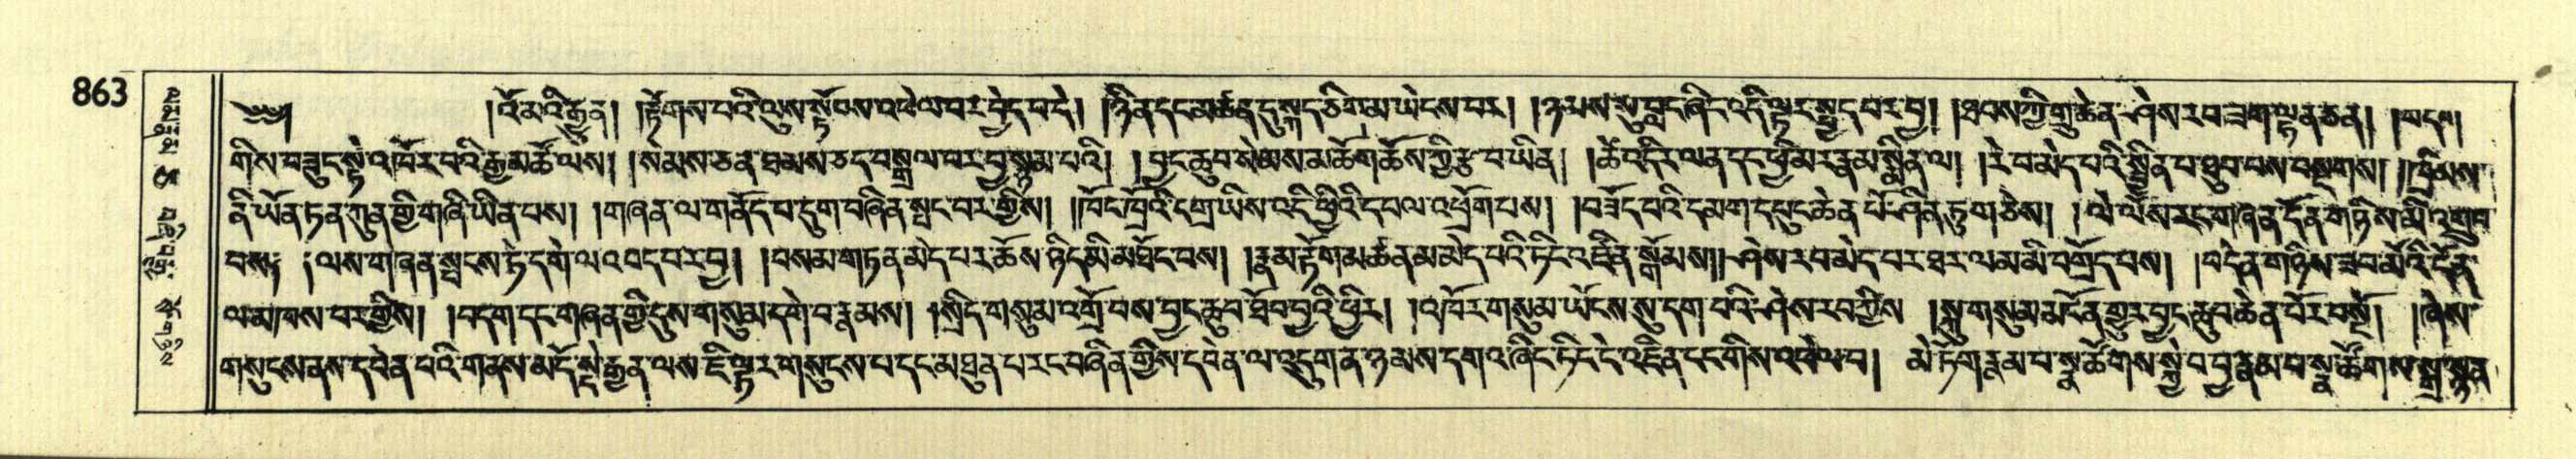༄༅། །འོ་མའི་རྒྱུན། །རྟོགས་པའི་ལུས་སྟོབས་འཕེལ་བར་བྱེད་པ་དེ། །ཉིན་དང་མཚན་དུ་སྐད་ཅིག་མ་ཡེངས་པར། །ཉམས་སུ་བླང་ཞིང་འདི་ལྟར་སྤྱད་བར་བྱ། །ཐབས་ཀྱི་གྲུ་ཆེན་ཤེས་རབ་ཟག་ལྷན་ཅན། །བདག་
གིས་བཟུང་སྟེ་འཁོར་བའི་རྒྱ་མཚོ་ལས། །སེམས་ཅན་ཐམས་ཅད་བསྒྲལ་བར་བྱ་སྙམ་པའི། །བྱང་ཆུབ་སེམས་མཆོག་ཆོས་ཀྱི་རྩ་བ་ཡིན། །ཚེ་འདིར་ལན་དང་ཕྱི་མར་རྣམ་སྨིན་ལ། །རེ་བ་མེད་པའི་སྦྱིན་པ་ཐུབ་པས་བསྔགས། །ཁྲིམས་
ནི་ཡོན་ཏན་ཀུན་གྱི་གཞི་ཡིན་པས། །གཞན་ལ་གནོད་པ་དུག་བཞིན་སྤང་བར་གྱིས། །ཁོང་ཁྲོའི་དགྲ་ཡིས་འདི་ཕྱིའི་དཔལ་འཕྲོག་པས། །བཟོད་པའི་དམག་དཔུང་ཆེན་པོ་ཤིན་ཏུ་གཅེས། །ལེ་ལོས་རང་གཞན་དོན་གཉིས་མི་འགྲུབ་
བས༑ ༑ལས་གཞན་སྤངས་ཏེ་དགེ་ལ་འབད་པར་བྱ། །བསམ་གཏན་མེད་པར་ཆོས་ཉིད་མི་མཐོང་བས། །རྣམ་རྟོག་མཚན་མ་མེད་པའི་ཏིང་འཛིན་སྒོམས། །ཤེས་རབ་མེད་པར་ཐར་ལམ་མི་བགྲོད་པས། །བདེན་གཉིས་ཟབ་མོའི་དོན་
ལ་མཁས་པར་གྱིས། །བདག་དང་གཞན་གྱི་དུས་གསུམ་དགེ་བ་རྣམས། །སྲིད་གསུམ་འགྲོ་བས་བྱང་ཆུབ་ཐོབ་བྱའི་ཕྱིར། །འཁོར་གསུམ་ཡོངས་སུ་དག་པའི་ཤེས་རབ་ཀྱིས། །སྐུ་གསུམ་མངོན་གྱུར་བྱང་ཆུབ་ཆེན་པོར་བསྔོ། །ཞེས་
གསུངས་ནས་དབེན་པའི་གནས་མདོ་སྡེ་རྒྱན་ལས་ཇི་ལྟར་གསུངས་པ་དང་མཐུན་པ་རང་བཞིན་གྱིས་དབེན་ལ་འདུག་ན་ཉམས་དགའ་ཞིང་ཏིང་ངེ་འཛིན་ངང་གིས་འཕེལ་བ། མེ་ཏོག་རྣམ་པ་སྣ་ཚོགས་སྐྱེ་བ་བྱ་རྣམ་བ་སྣ་ཚོགས་སྒྲ་སྙན་